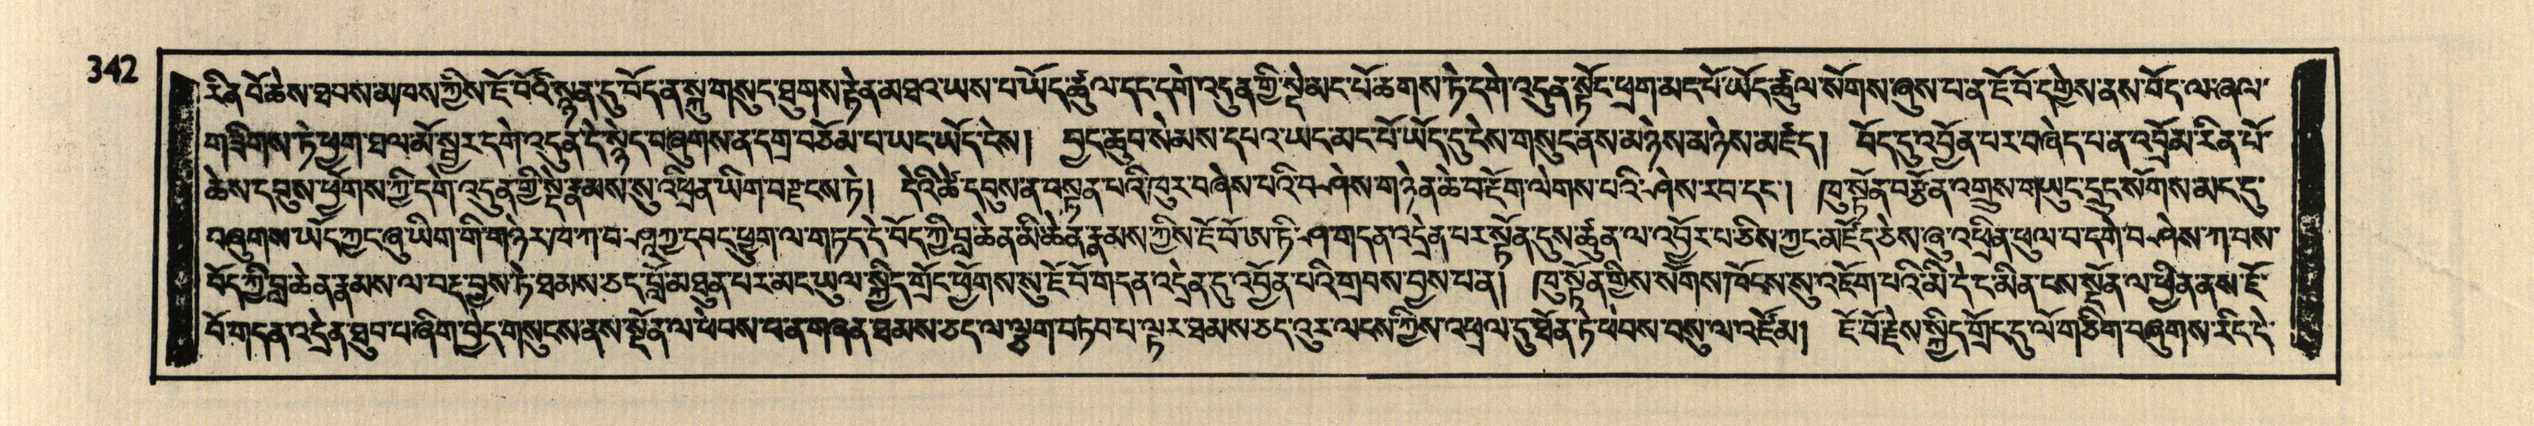རིན་པོ་ཆེས་ཐབས་མཁས་ཀྱིས་ཇོ་བོའི་སྙན་དུ་བོད་ན་སྐུ་གསུང་ཐུགས་རྟེན་མཐའ་ཡས་པ་ཡོད་ཚུལ་དང་དགེ་འདུན་གྱི་སྡེ་མང་པོ་ཆགས་ཏེ་དགེ་འདུན་སྟོང་ཕྲག་མང་པོ་ཡོད་ཚུལ་སོགས་ཞུས་པ་ན་ཇོ་བོ་དགྱེས་ནས་བོད་ལ་ཞལ་
གཟིགས་ཏེ་ཕྱག་ཐལ་མོ་སྦྱར་དགེ་འདུན་དེ་སྙེད་བཞུགས་ན་དགྲ་བཅོམ་པ་ཡང་ཡོད་དེས། བྱང་ཆུབ་སེམས་དཔའ་ཡང་མང་པོ་ཡོད་དུ་ངེས་གསུང་ནས་མཉེས་མཉེས་མཛད། བོད་དུ་འབྱོན་པར་བཞེད་པ་ན་འབྲོམ་རིན་པོ་
ཆེས་དབུས་ཕྱོགས་ཀྱི་དགེ་འདུན་གྱི་སྡེ་རྣམས་སུ་འཕྲིན་ཡིག་བརྫངས་ཏེ། དེའི་ཚེ་དབུས་ན་བསྟན་པའི་ཁུར་བཞེས་པའི་བཤེས་གཉེན་ཆེ་བ་རྔོག་ལེགས་པའི་ཤེས་རབ་དང་། ཁུ་སྟོན་བརྩོན་འགྲུས་གཡུང་དྲུང་སོགས་མང་དུ་
བཞུགས་ཡོད་ཀྱང་ཞུ་ཡིག་གི་གཉེར་ཁ་ཀ་བ་ཤཱཀྱ་དབང་ཕྱུག་ལ་གཏད་དེ་བོད་ཀྱི་བླ་ཆེན་མི་ཆེན་རྣམས་ཀྱིས་ཇོ་བོ་ཨ་ཏི་ཤ་གདན་འདྲེན་པར་སྟོན་དུས་ཚུན་ལ་འབྱོར་པ་ཅིས་ཀྱང་མཛོད་ཅེས་ཞུ་འཕྲིན་ཕུལ་བ་དགེ་བཤེས་ཀ་བས་
བོད་ཀྱི་བླ་ཆེན་རྣམས་ལ་བརྡ་བྱས་ཏེ་ཐམས་ཅད་བློ་མཐུན་པར་མང་ཡུལ་སྐྱིད་གྲོང་ཕྱོགས་སུ་ཇོ་བོ་གདན་འདྲེན་དུ་འབྱོན་པའི་གྲབས་བྱས་པ་ན། ཁུ་སྟོན་གྱིས་སོགས་ཁོངས་སུ་འཇོག་པའི་མི་དེ་ང་མིན་ངས་སྔོན་ལ་ཕྱིན་ནས་ཇོ་
བོ་གདན་འདྲེན་ཐུབ་པ་ཞིག་བྱེད་གསུངས་ནས་སྔོན་ལ་ཕེབས་པ་ན་གཞན་ཐམས་ཅད་ལ་ལྕག་བཏབ་པ་ལྟར་ཐམས་ཅད་འུར་ལངས་ཀྱིས་འཕྲལ་དུ་ཐོན་ཏེ་ཕེབས་བསུ་ལ་འཛོམ། ཇོ་བོ་རྗེས་སྐྱིད་གྲོང་དུ་ལོ་གཅིག་བཞུགས་རིང་དེ་